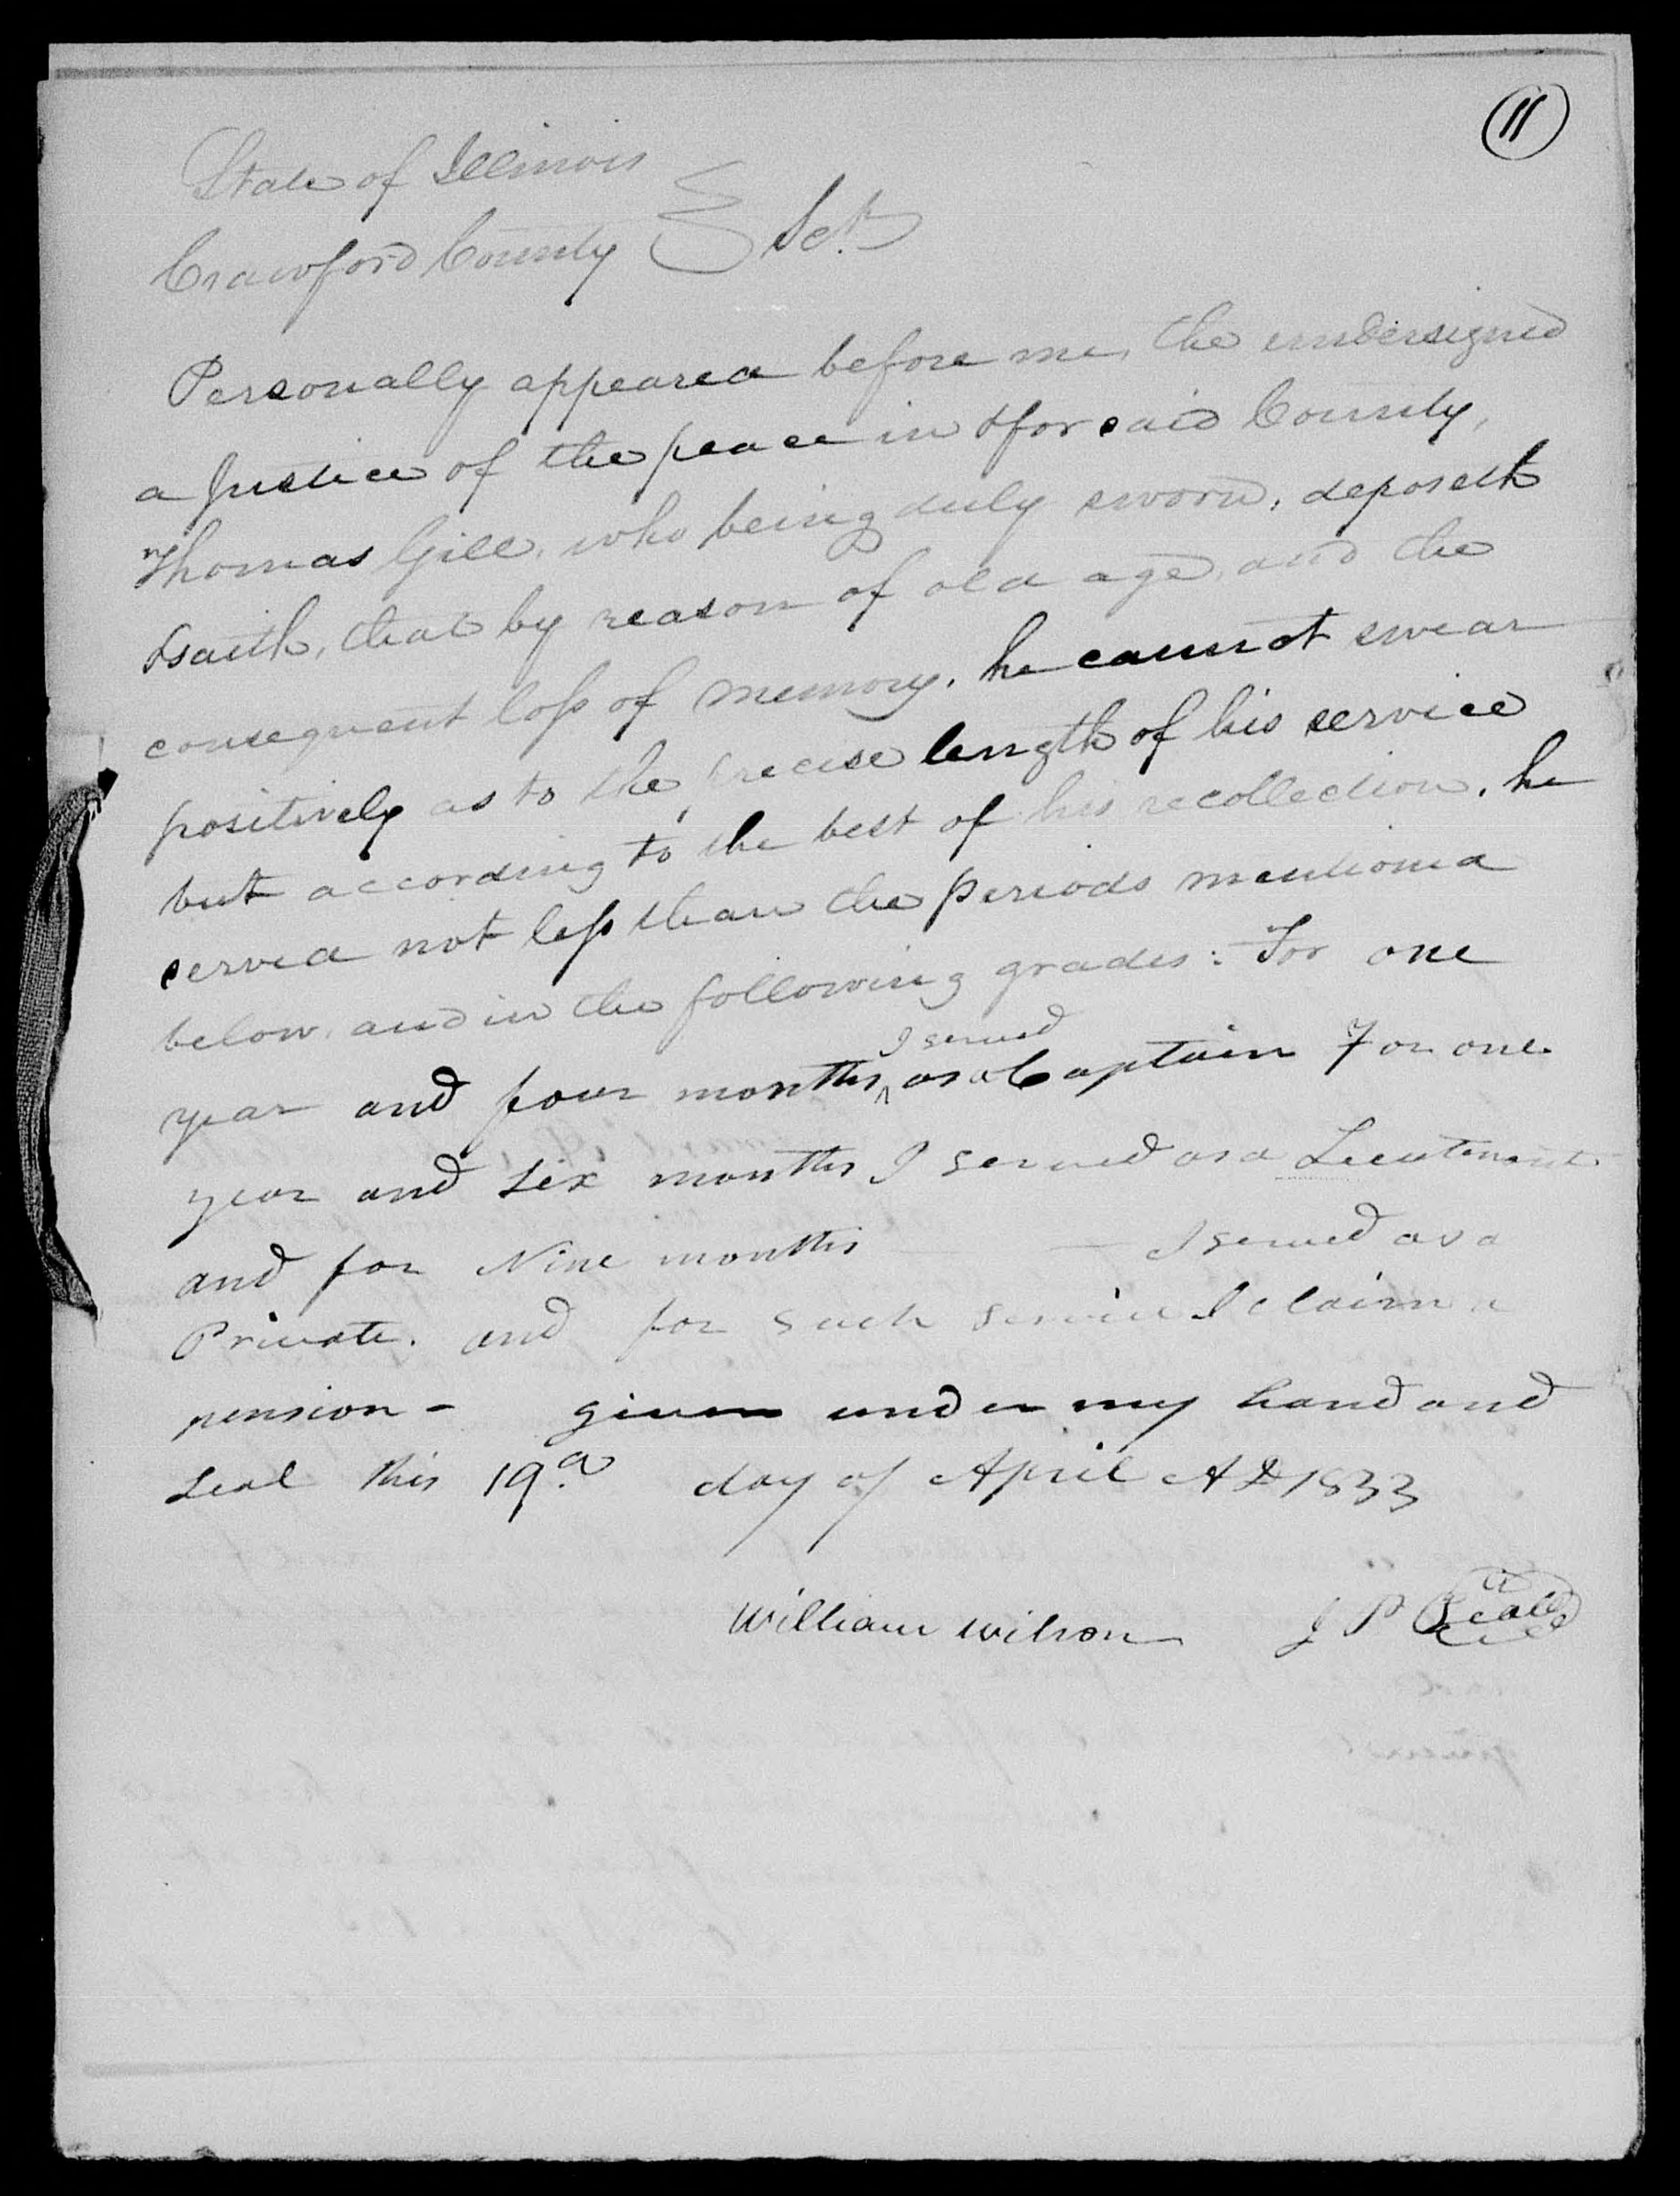(11) State of Illinois Crawford County Personally appeared before me the undersigned a Justice of the peace in  & for said County Thomas Gill, who being duly sworn , deposeth  & saith that by reason of old age and the consequent loss of memory  he cannot swear positively  as to the precise length of his service, but according  to the best of his recollection  not less than the periods mentioned below and in the following grades : For one year  and four months I served as a Captain ,for one year and six months I served as a Lieutenant, and for nine months I served as a Private , and for such service I claim a pension. Given under my hand  and seal this 19th day of April  A.D. 1833. William Wilson ( signed / sealed ) JP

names: William Wilson, Thomas Gill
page: 14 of 44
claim: survivor's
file: S. 31,061, Thomas Gill, S.C.